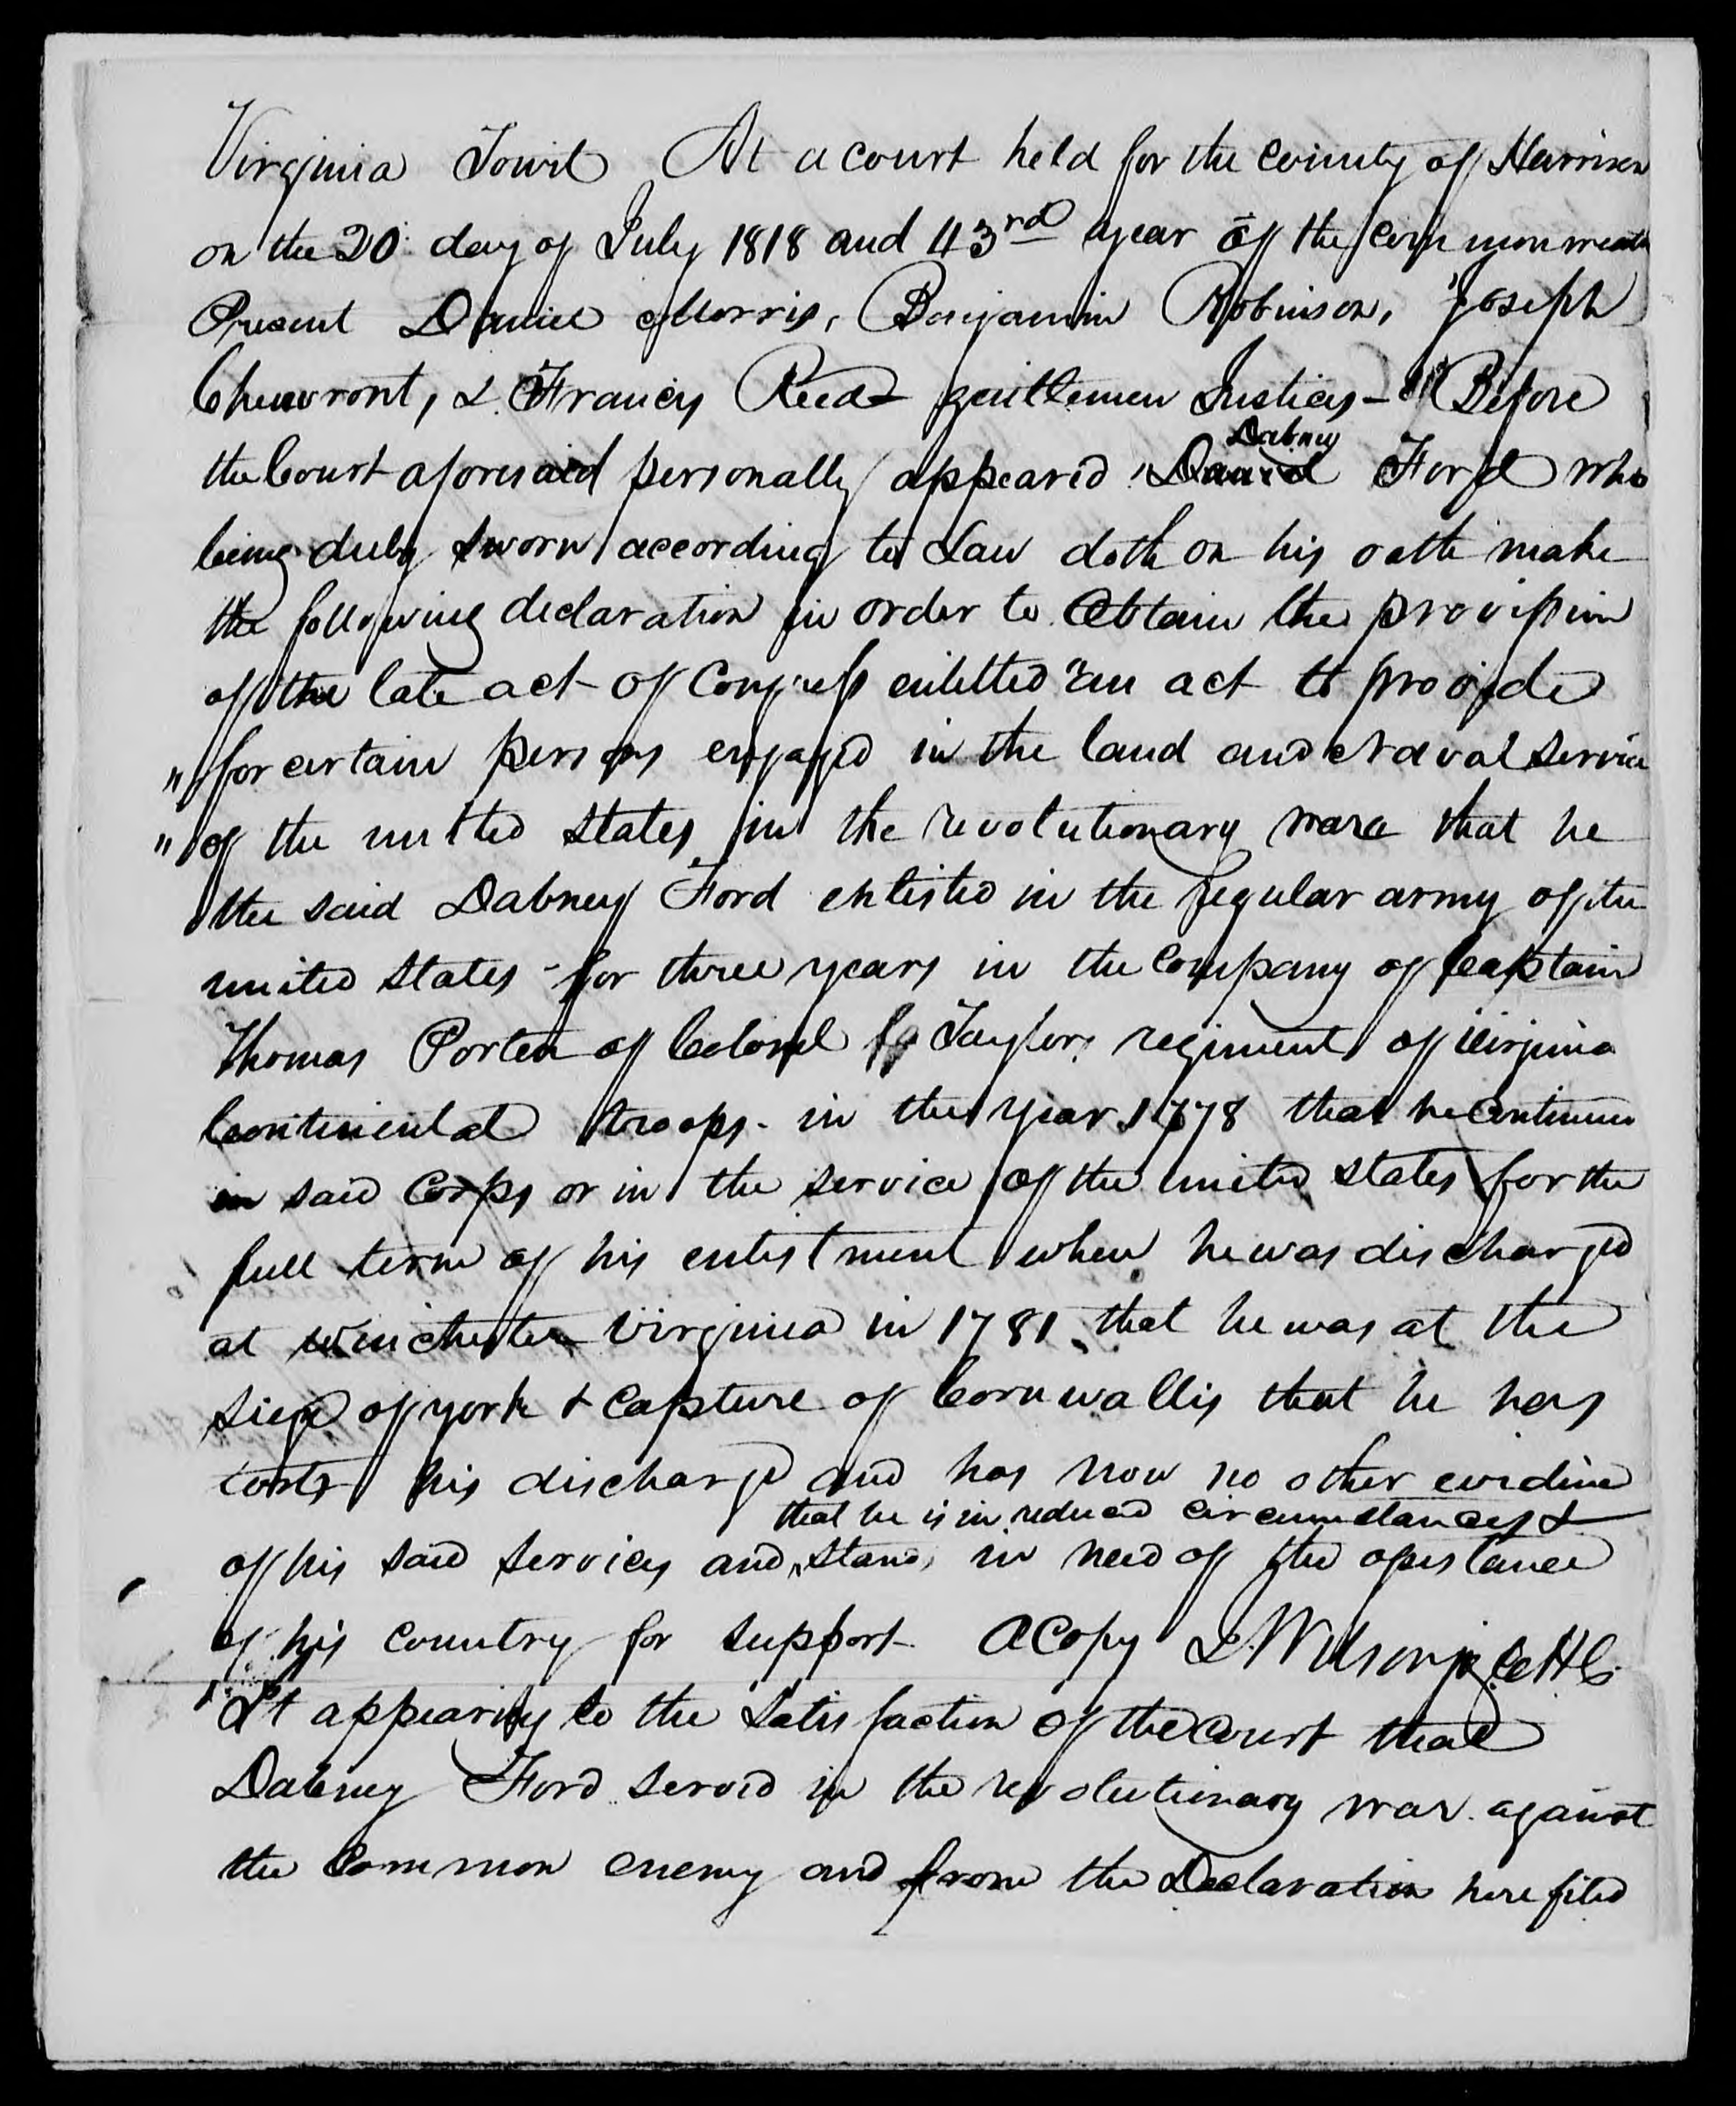Virginia Towit   At a court held for the county of Harrison
on the 20 day of July 1818 and 43rd year of the commonwealth
Present David Morris, Benjamin Robinson, Joseph
Cheuvront, & Francis Reed- gentlemen Justices-Before
the Court aforesaid personally appeared [crossed out-David] Dabney Ford who being duly Sworn according to Law doth on his oath make the following declaration in order to Obtain the provision of the late act- of Congress entitled "an act to provide "for certain persons engaged in the land and Naval Service 
"of the United States, in the revolutionary war that he the said Dabney Ford enlisted in the Regular army of the United States- for three years in the Company of Captain Thomas Porter of Colonel [?fg] Taylor regiment of Virginia Continental troops- in the year 1778 that he continued in Said Corps or in the service of the united states for the full term of his enlistment when he was discharged at Winchester Virginia in 1781- that he was at the siege of York and capture of Cornwallis that he has lost his discharge and has now no other evidince [evidence] of his said Services and ^ that he is in reduced circumstances & in need of the assistance of his country for support.  A copy   JWilson  CHC
It appearily to the Satisfaction of the court that Dabney Ford Served in the revolutionary war against the common enemy and from the Declaration here filed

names: Joseph Cheuvront, Dabney Ford, Benjamin Robinson, Daniel Morris, Dabney Ford, J Wilson, Francis Reed, Dabney Ford, Thomas Porter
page: 4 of 11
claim: survivor's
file: S. 39531, Dabney Ford, Va.